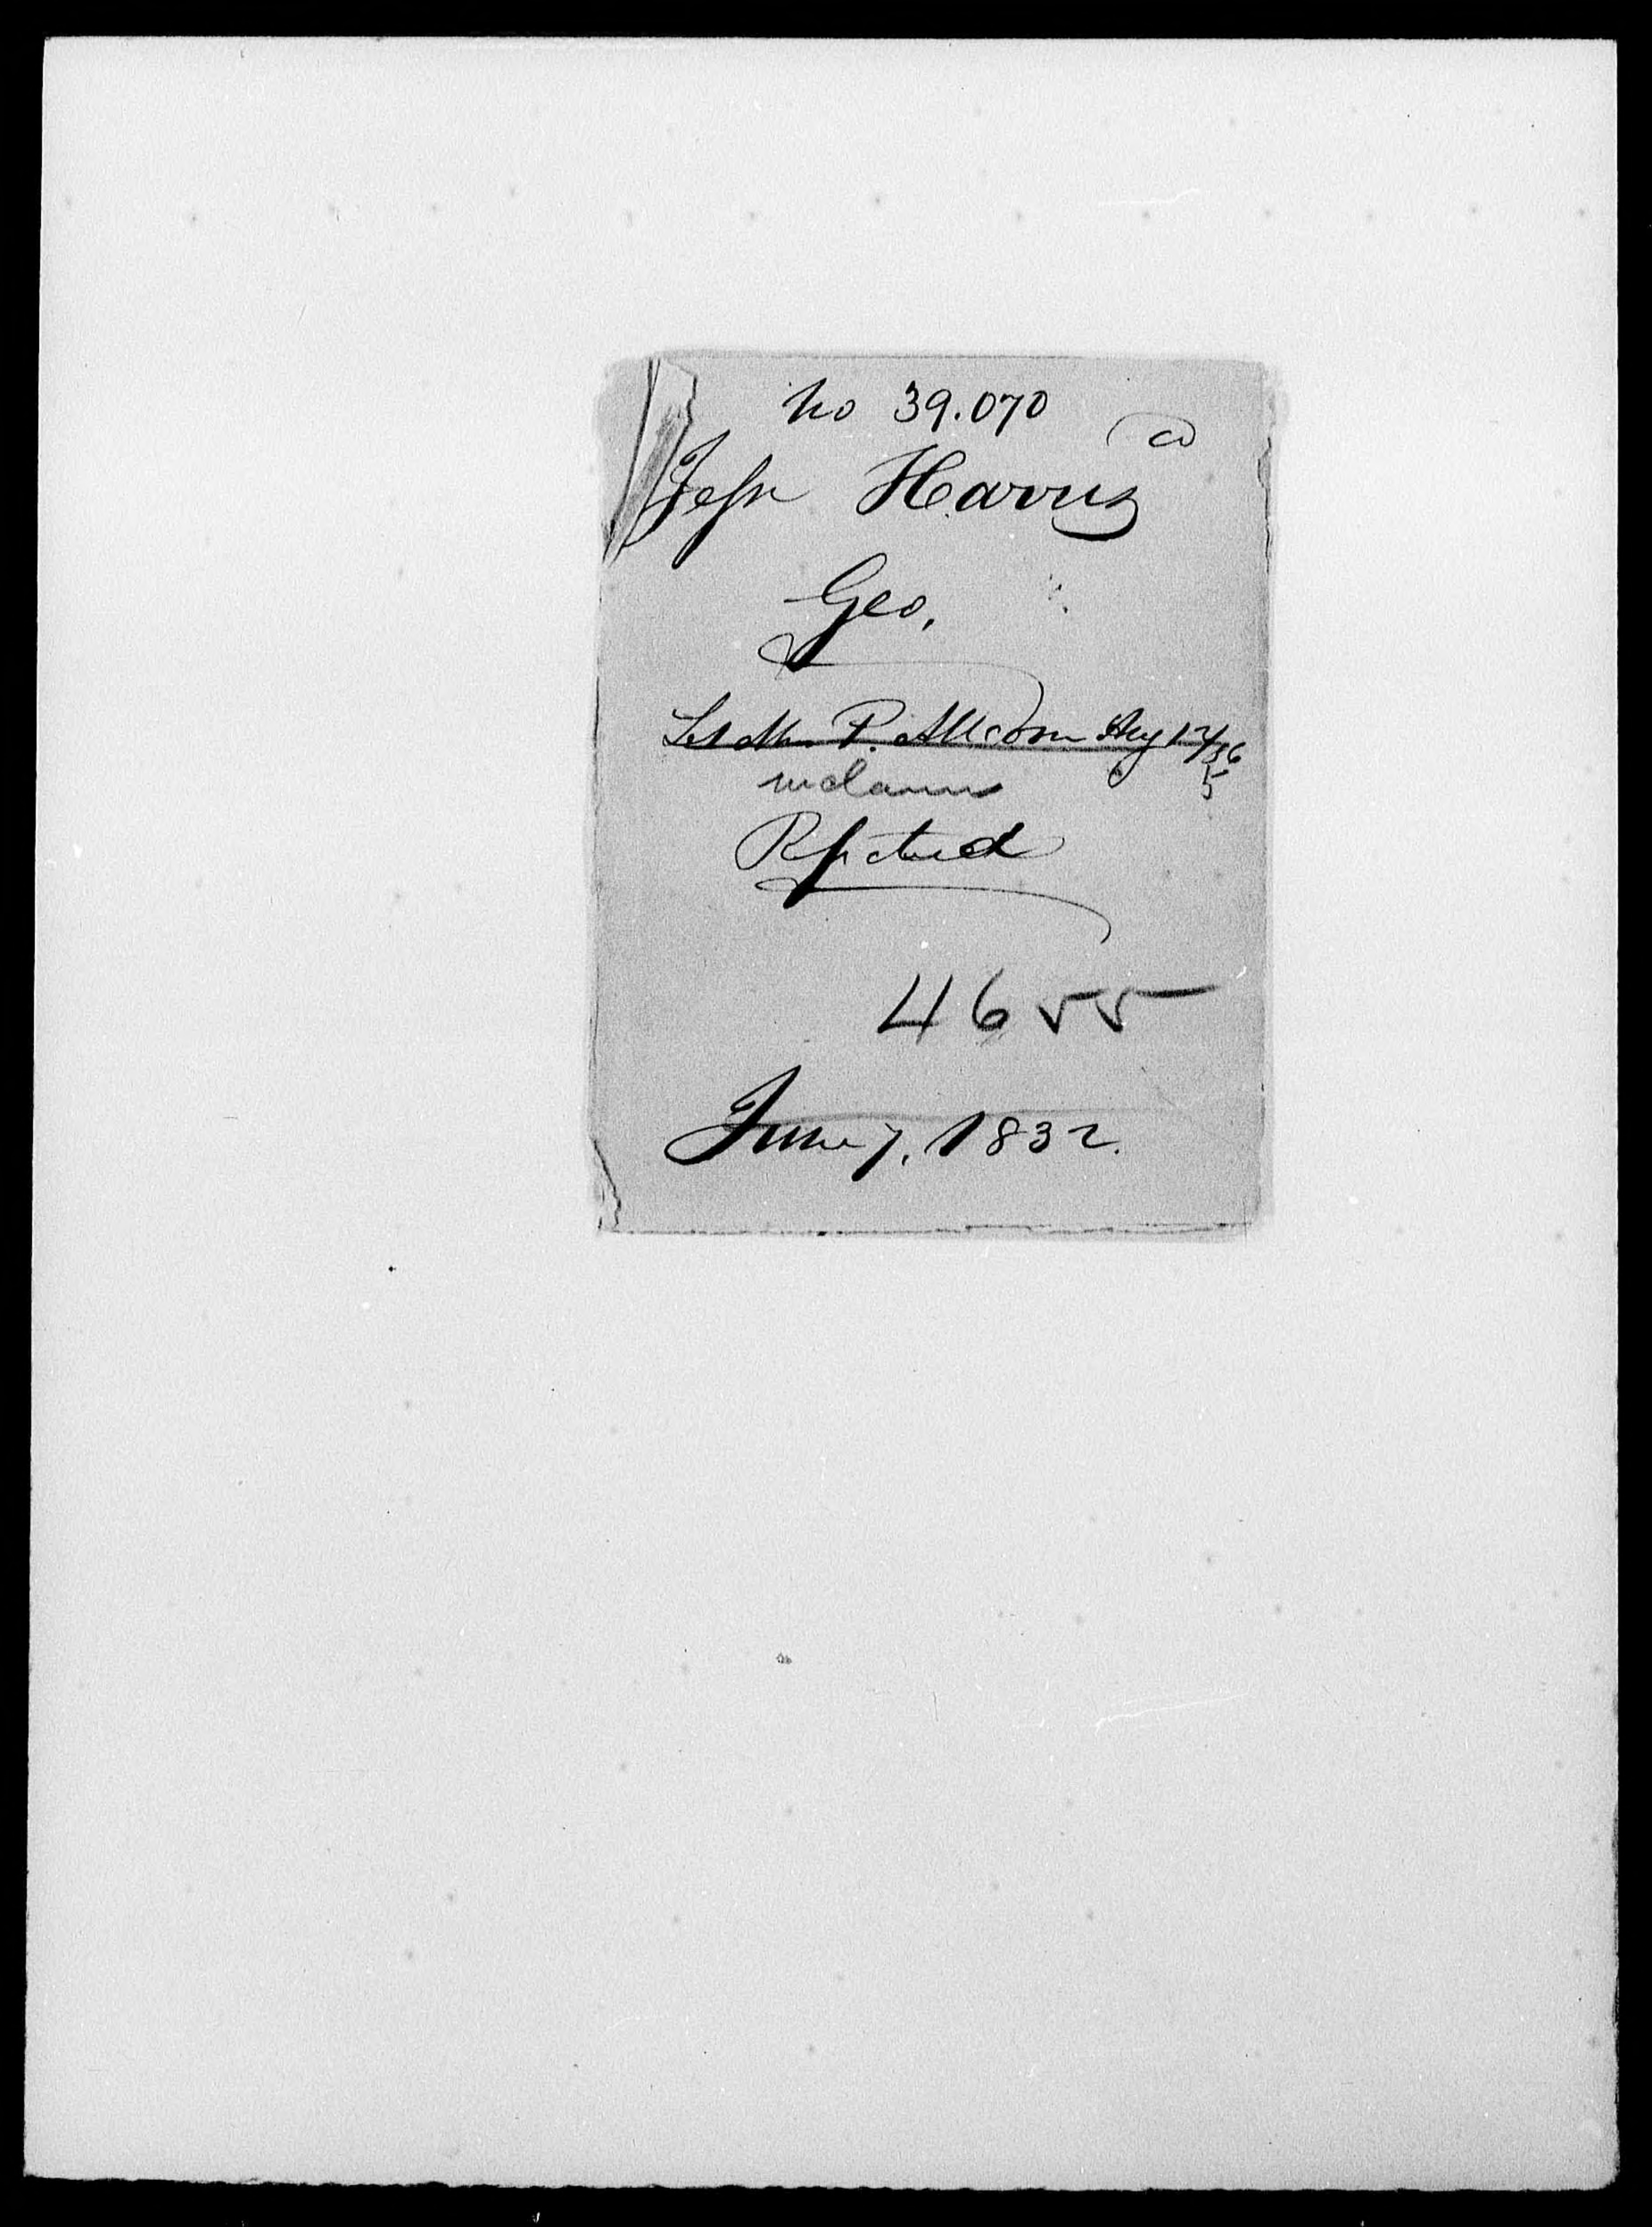No. 39.070
Jesse Harris
Geo.
M. P. Allcorn Aug. 13/36
[blank]
Rejected
4655
June 7, 1832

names: M P Allcorn, Jesse Harris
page: 14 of 32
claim: rejected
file: R. 4655, Jesse Harris, N.C.